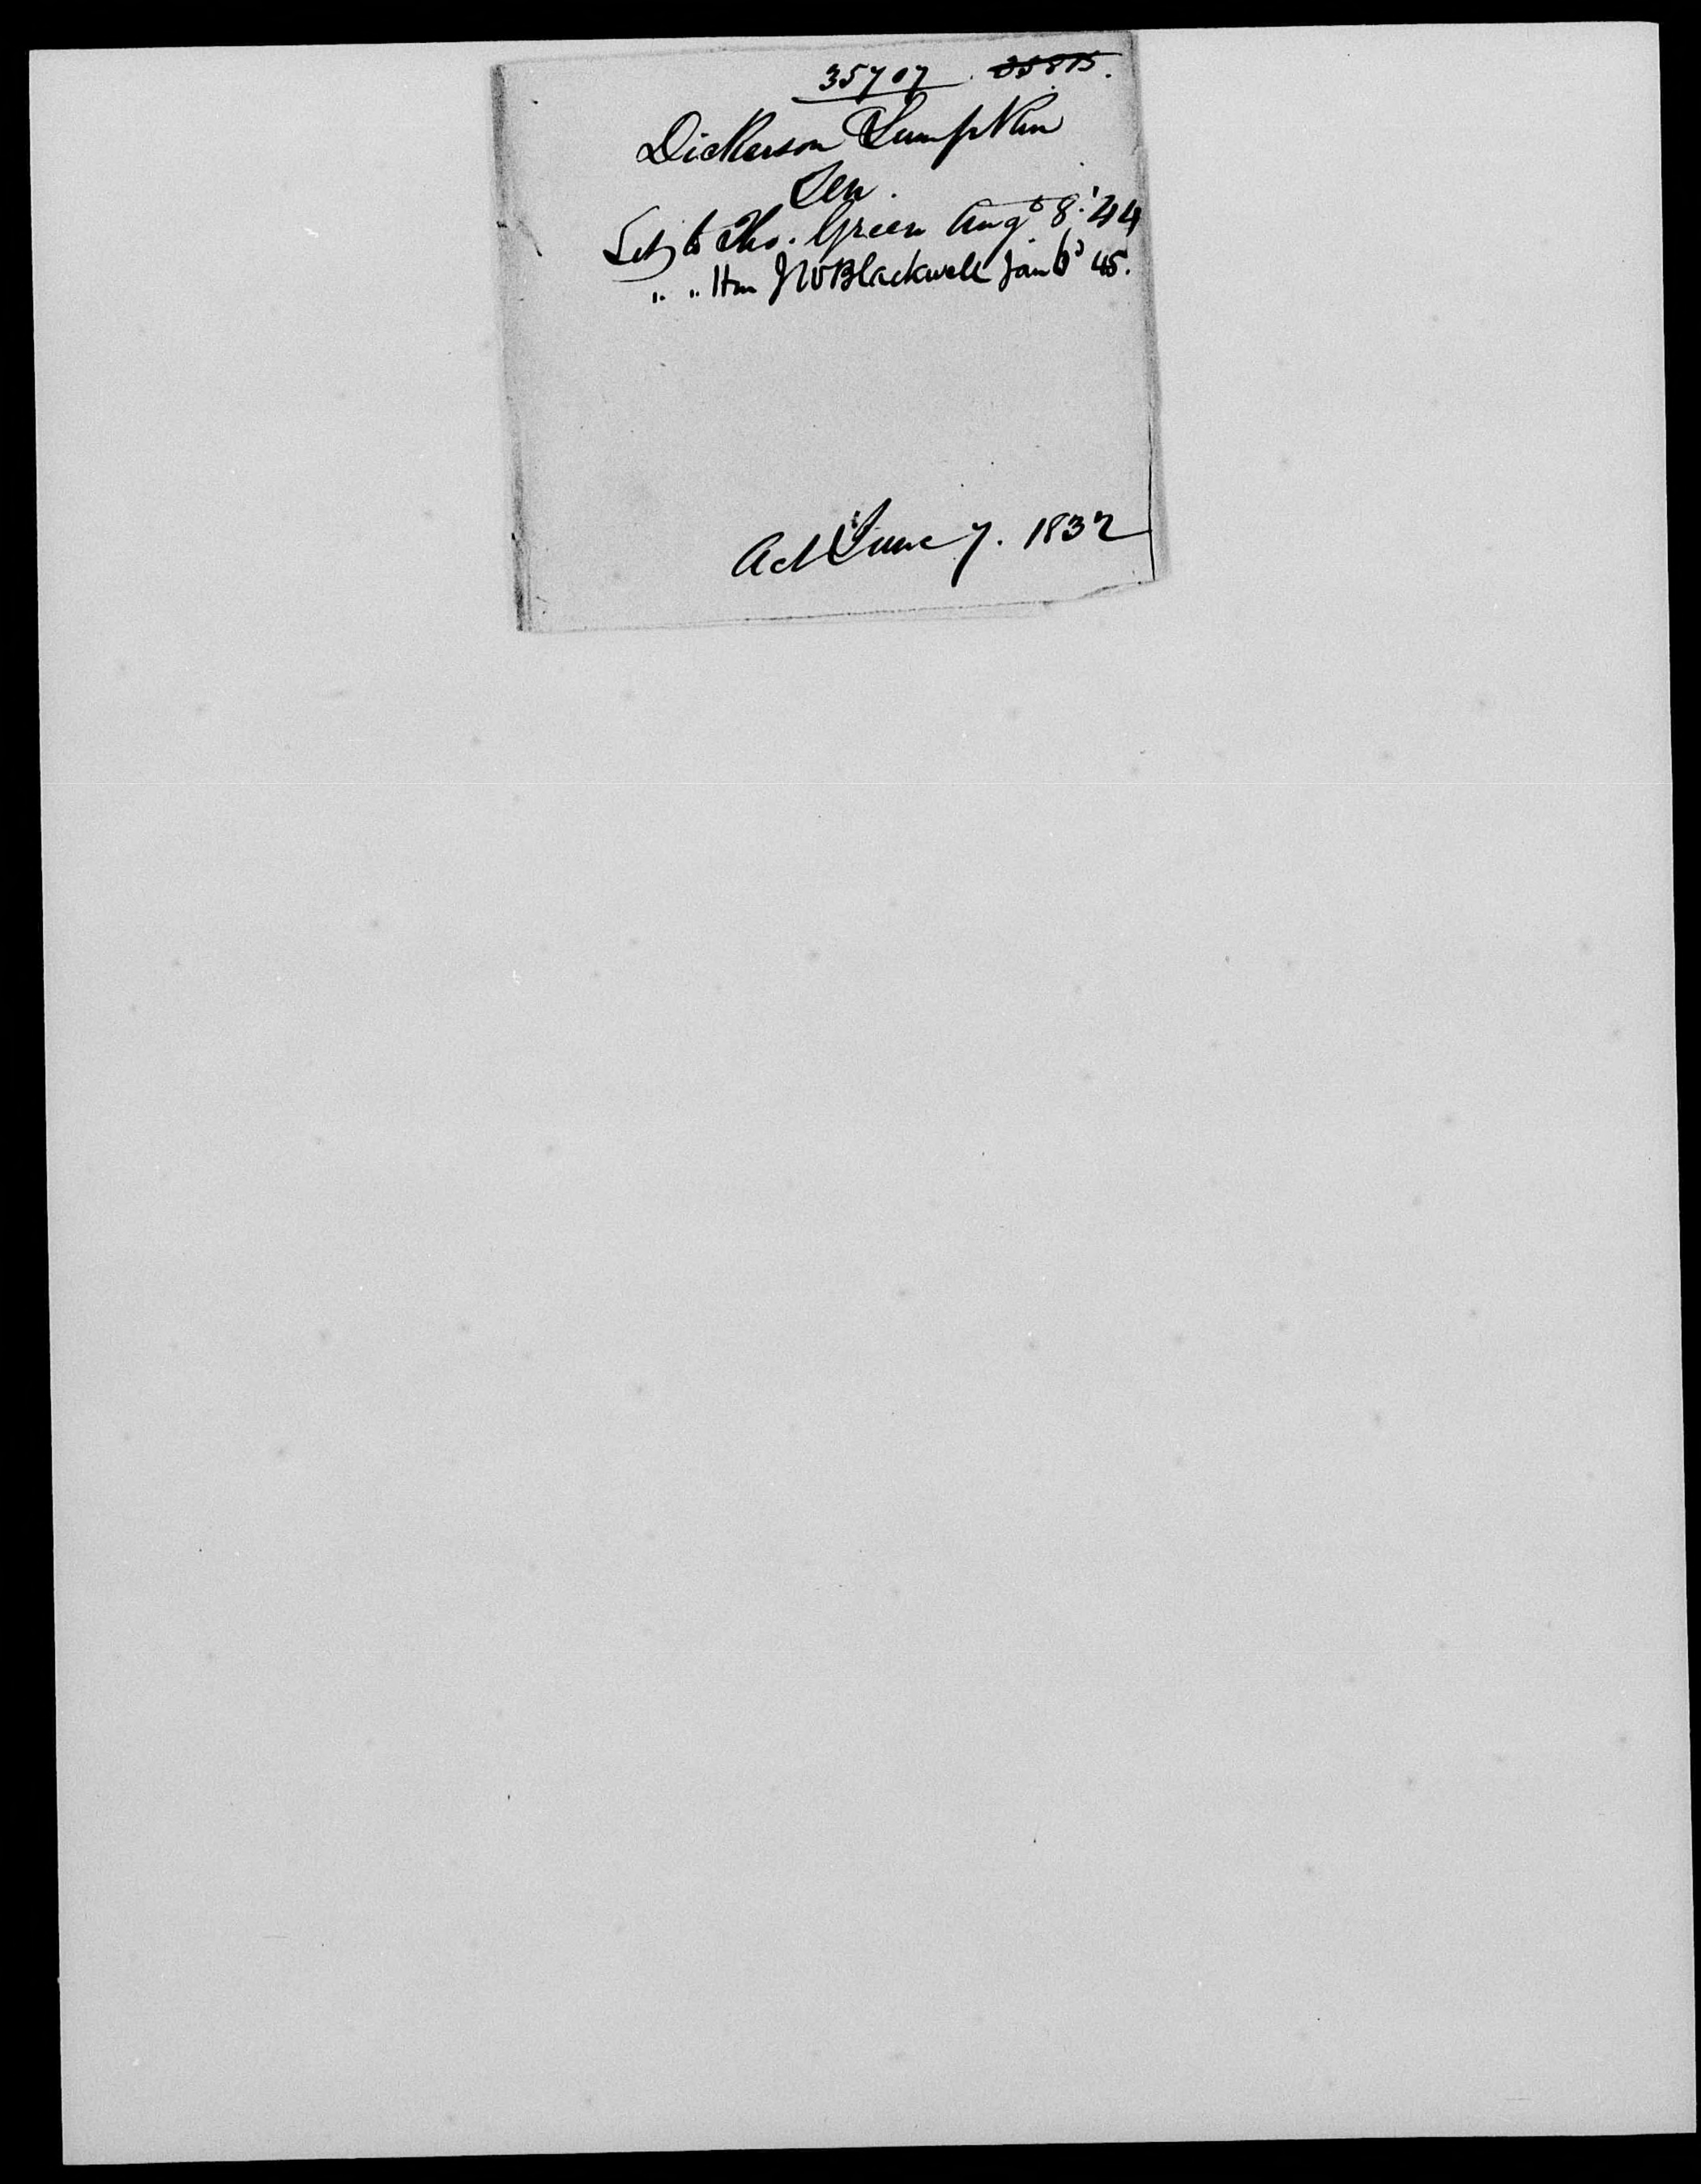(Handwritten document)

35707 (crossed out: 5 numbers)
Dickerson Lumpkin
Sen
Let to Thos Green Aug' 44
" " Hon J W Blackwell Jan 6 '45.
Act June 7, 1832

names: J W Blackwell; Dickerson Lumpkin; Tho Green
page: 18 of 37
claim: rejected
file: R. 6521, for Dickeson Lumpkin, Pennsylvania